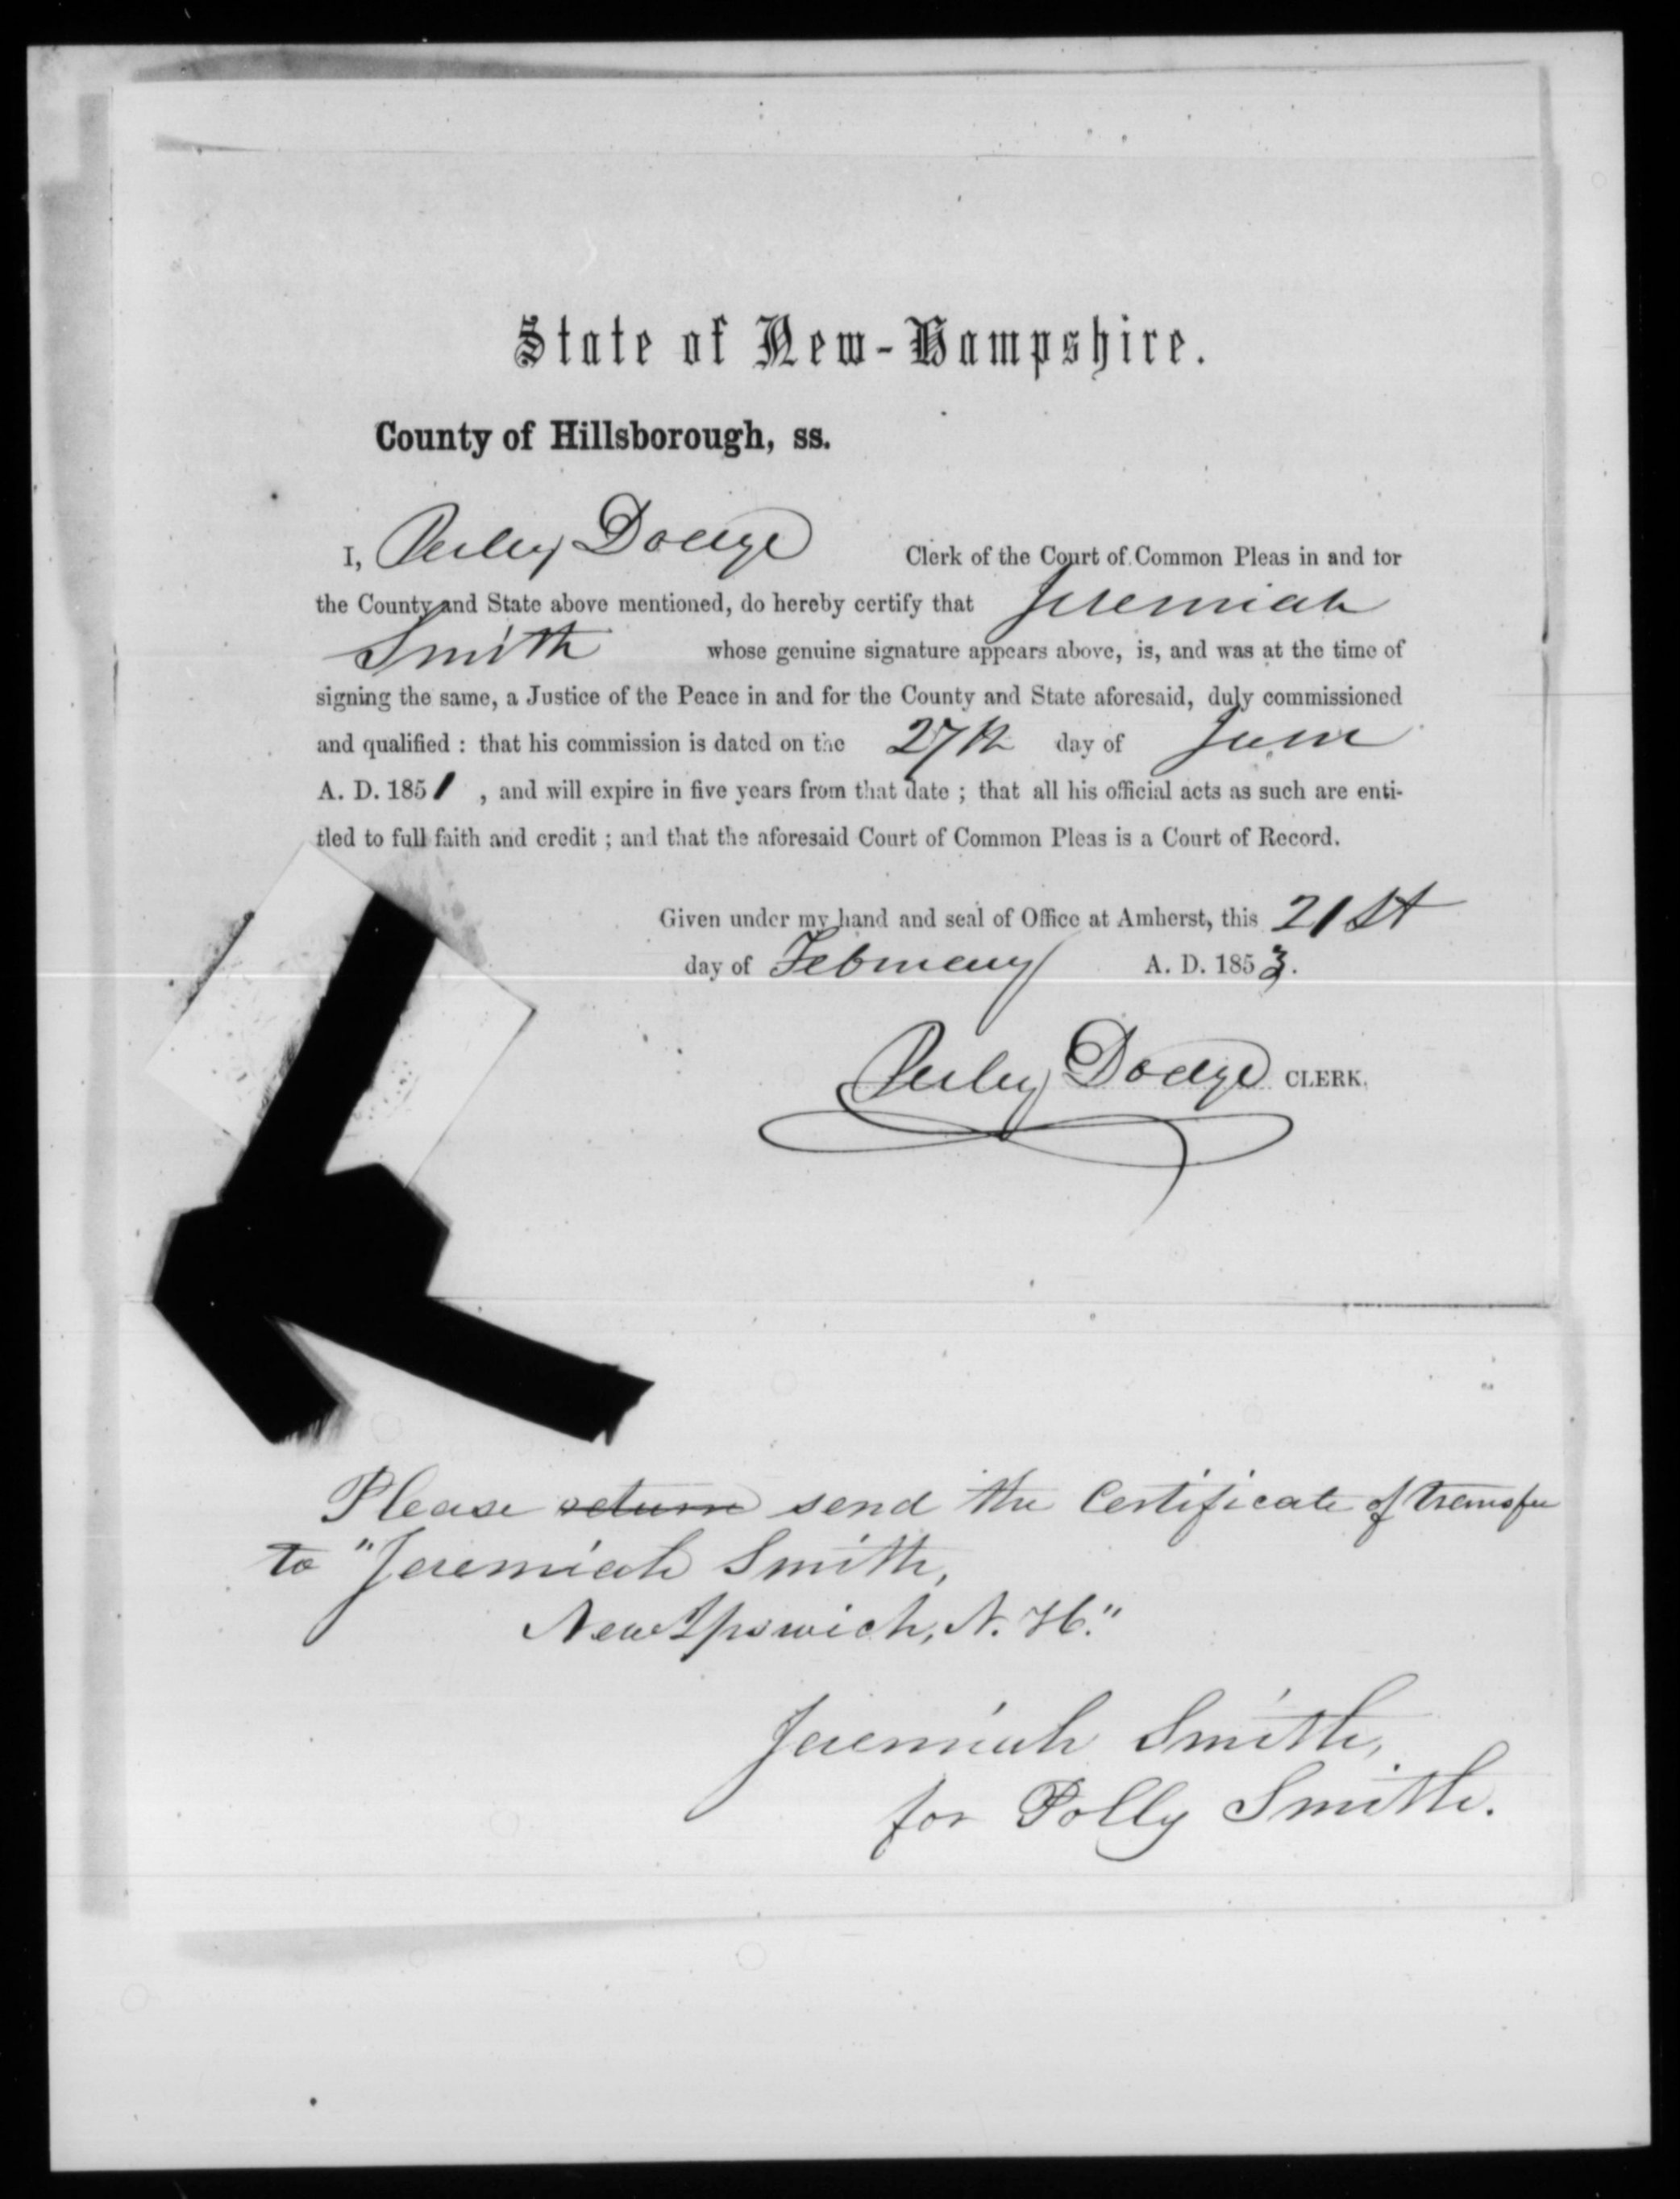State of New Hampshire
County of Hillsborough, SS
I, Perley Dodge Clerk of the Court of Common Pleas in and for the County and State above mentioned, and do herby certify that Jeremiah Smith whose genuine signature appears above, is, and was at the time of signing the same, a Justice of the Peace in and for the County and State aforesaid, duly commissioned and qualified: that his commission is dated to the 27th day of June A. D. 1851, and will expire five years from the date; that all his official acts as such are entitled to full faith and credit; and that the aforesaid Court of Common Pleas of the Court of Record. 
Give under my hand and seal at the Office of Amherst, this 21st day of February A. D. 1853.
Perley Dodge Clerk 
Please send the certificate of --- to “Jeremiah Smith, New ----- N.H.”
Jeremiah Smith for Polly Smith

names: Jeremiah Smith; Perley Dodge; Polly Smith; Jeremiah Smith; Jeremiah Smith; Perley Dodge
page: 9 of 55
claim: widow's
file: W 19058, for James Smith, Massachusetts